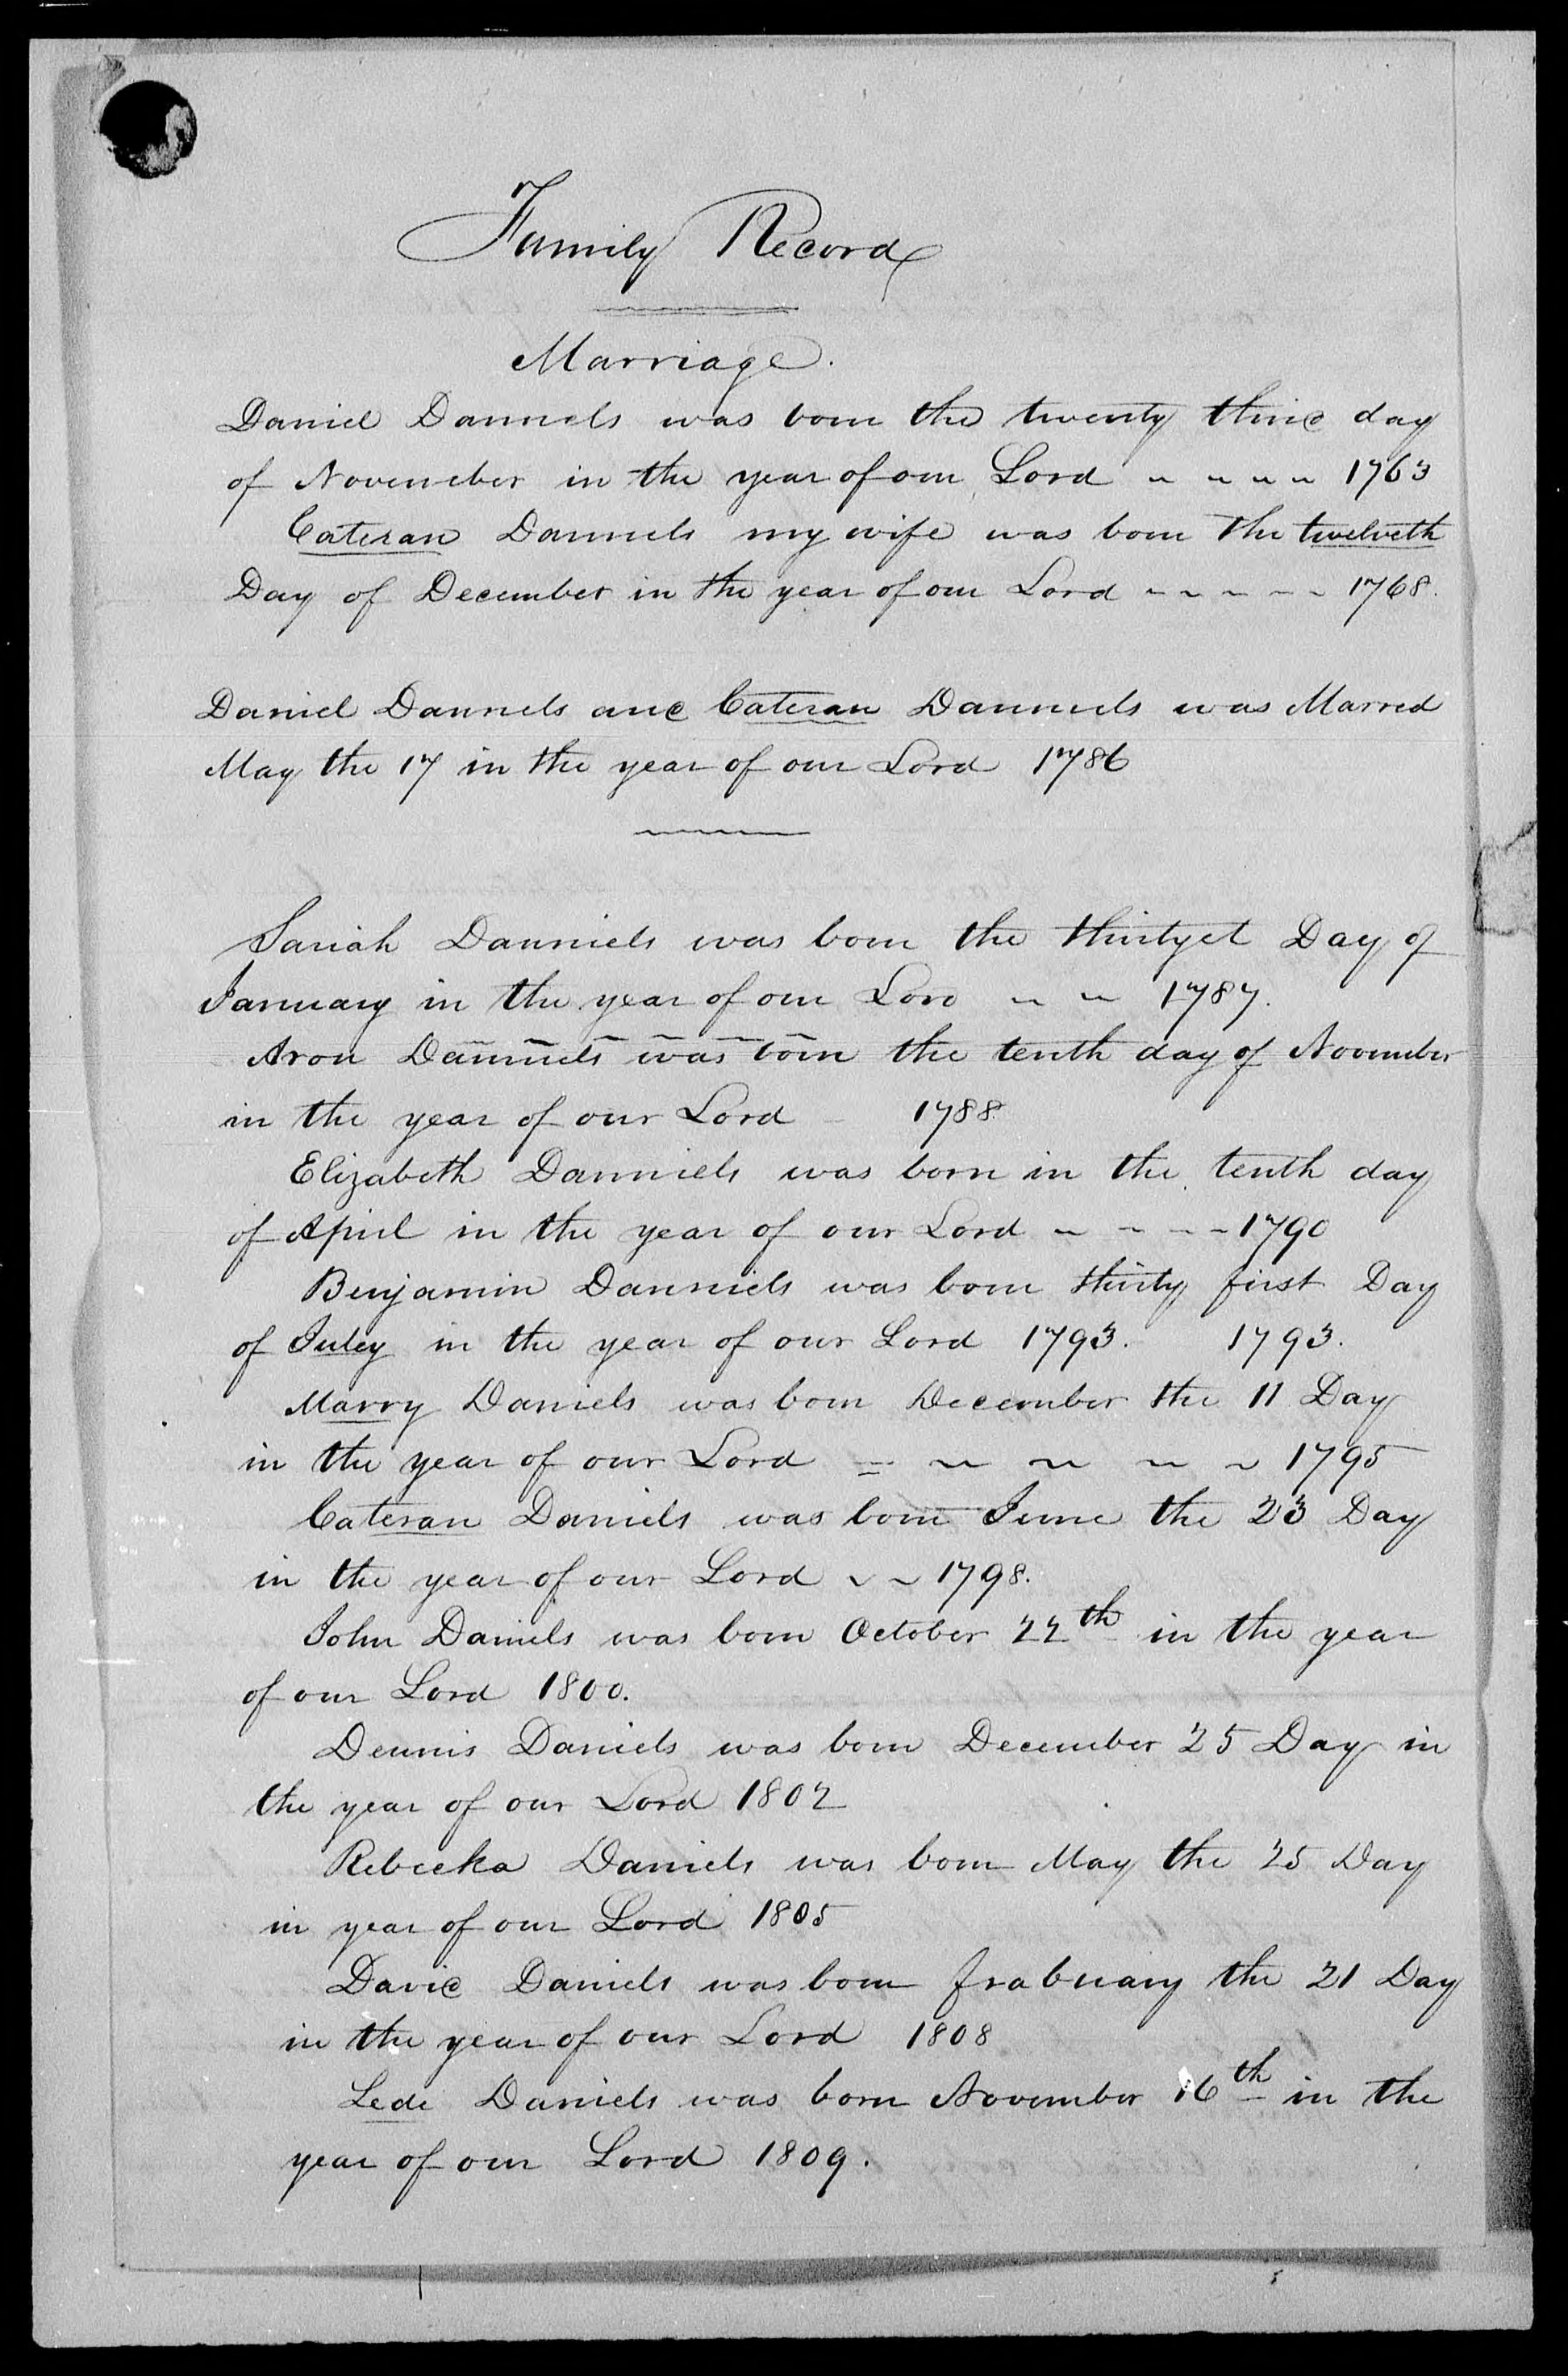Family Record
Marriage
Daniel Dannels [Daniels] was born the twenty third day
of November in the year of our Lord 1763
Cateran Daniels my wife was born the twelveth
Day of December in the year of our Lord 1768

Daniel Dannels [Daniels] and Cateran Dannels [Daniels] was Married
May the 17 in the year of our Lord 1786

Sarah Danniels [Daniels] was born the thirtyeth Day of
January in the year of our Lord 1787

Aron Danniels [Daniels] was born the tenth day of November
the year of our Lord 1788

Elizabeth Danniels [Daniels] was born in the tenth day
April in the year of our Lord 1790

Benjamin Danniels [Daniels] was born thirty first Day
of July in the year of our Lord 1793. 1793

Marry Daniels was born December the 11 Day
in the year of our Lord 1795

Cateran Daniels was born June the 23 day
in the year of our Lord 1798

John Daniels was born October 22th in the year
of our Lord 1800.

Dennis Daniels was born December 25 Day in
the year of our Lord 1802

Rebecka Daniels was born May the 25 Day
in year of our Lord 1805

David Daniels was born Frabuary [February] the 21 Day
in the year of our Lord 1808

Lede Daniels was born November 16th in the
year of our Lord 1809.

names: Cateran Daniels, Lede Daniels, John Daniels, Benjamin Danniels, Rebecka Daniels, Dennis Daniels, Daniel Dannels, Elizabeth Danniels, Daniel Dannels, Sariah Danniels, Cateran Dannels, David Daniels, Aron Danniels, Cateran Danniels, Marry Daniels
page: 7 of 35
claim: rejected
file: R. 2,650, Daniel Daniels, Penn.